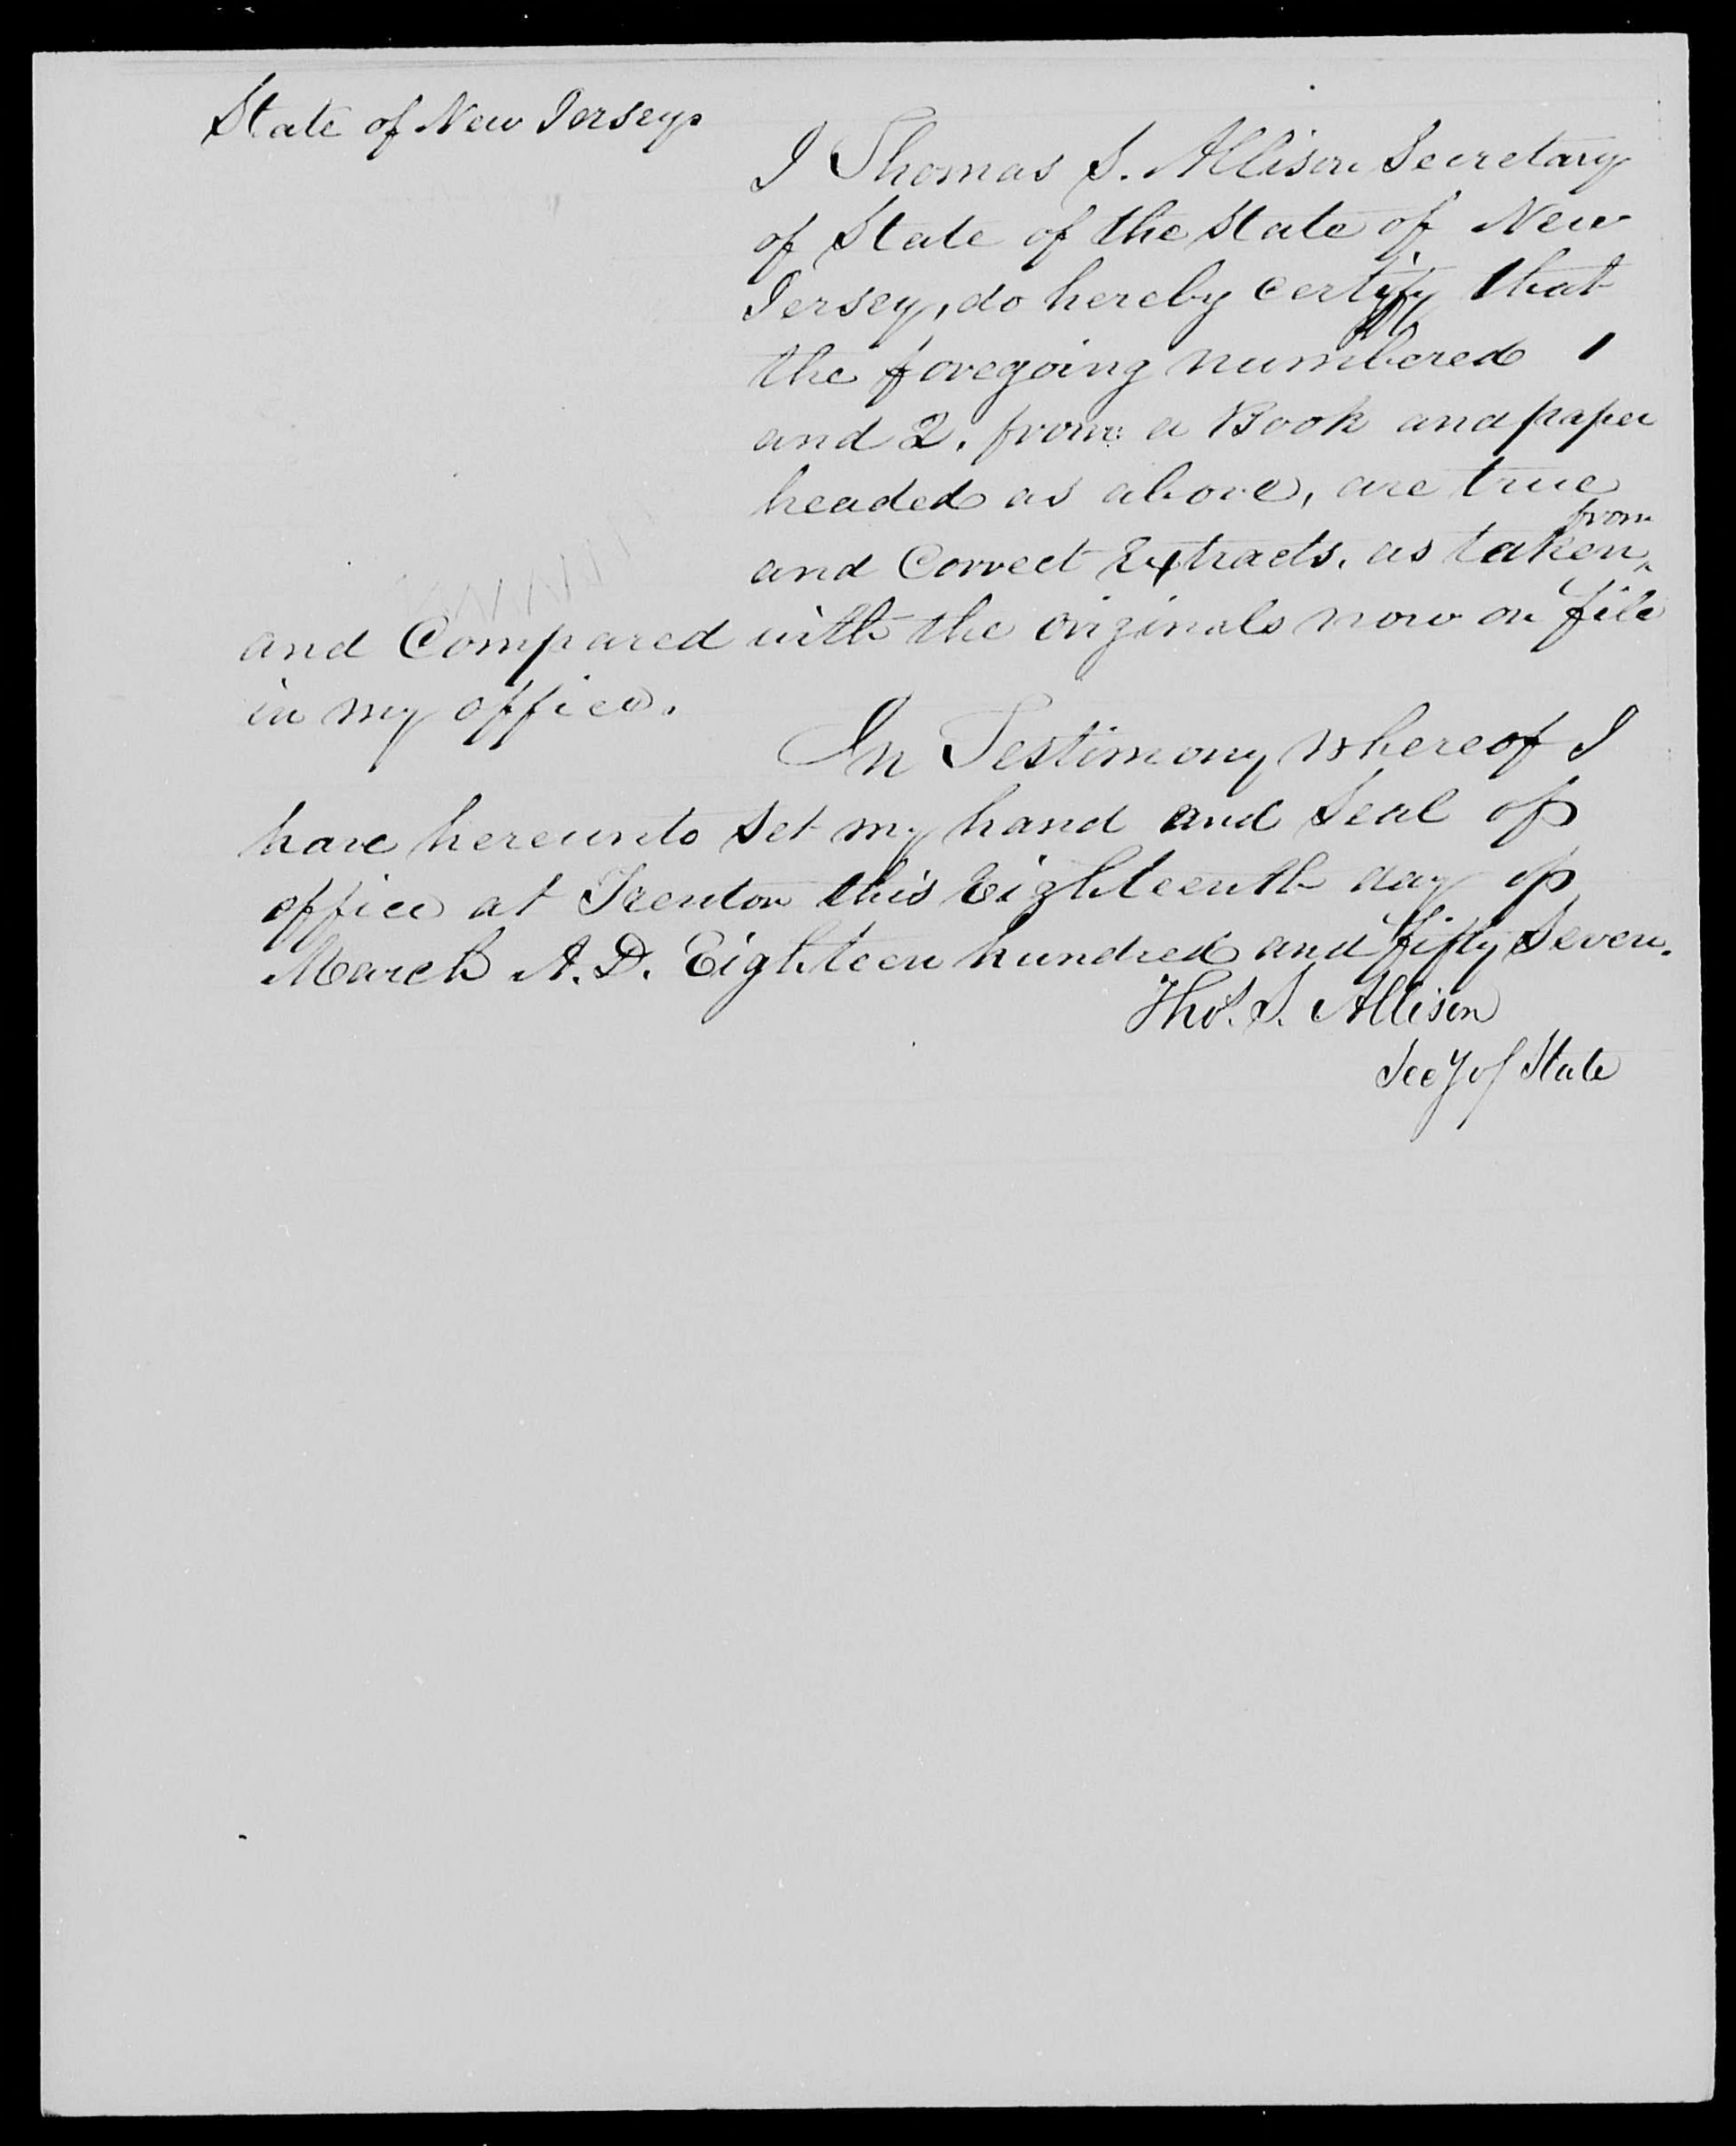State of New Jersey
I Thomas S. Allison Secretary
of State of the State of New Jersey, do hereby certify that the
foregoing numbered 1
and 2, from a Book and paper
headed as above, are true
and correct extracts, as taken from
and compared with the originals now on file
in my office.
In Testimony whereof I
have hereunto set my hand and seal of
office at Trenton this Eighteenth day of
March A.D. Eighteen hundred and fifty seven.
Thos S. Allison
Secy of State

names: Thomas S Allison, Thos S Allison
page: 41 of 52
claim: widow's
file: W. 919, Joel Dunn, New Jersey